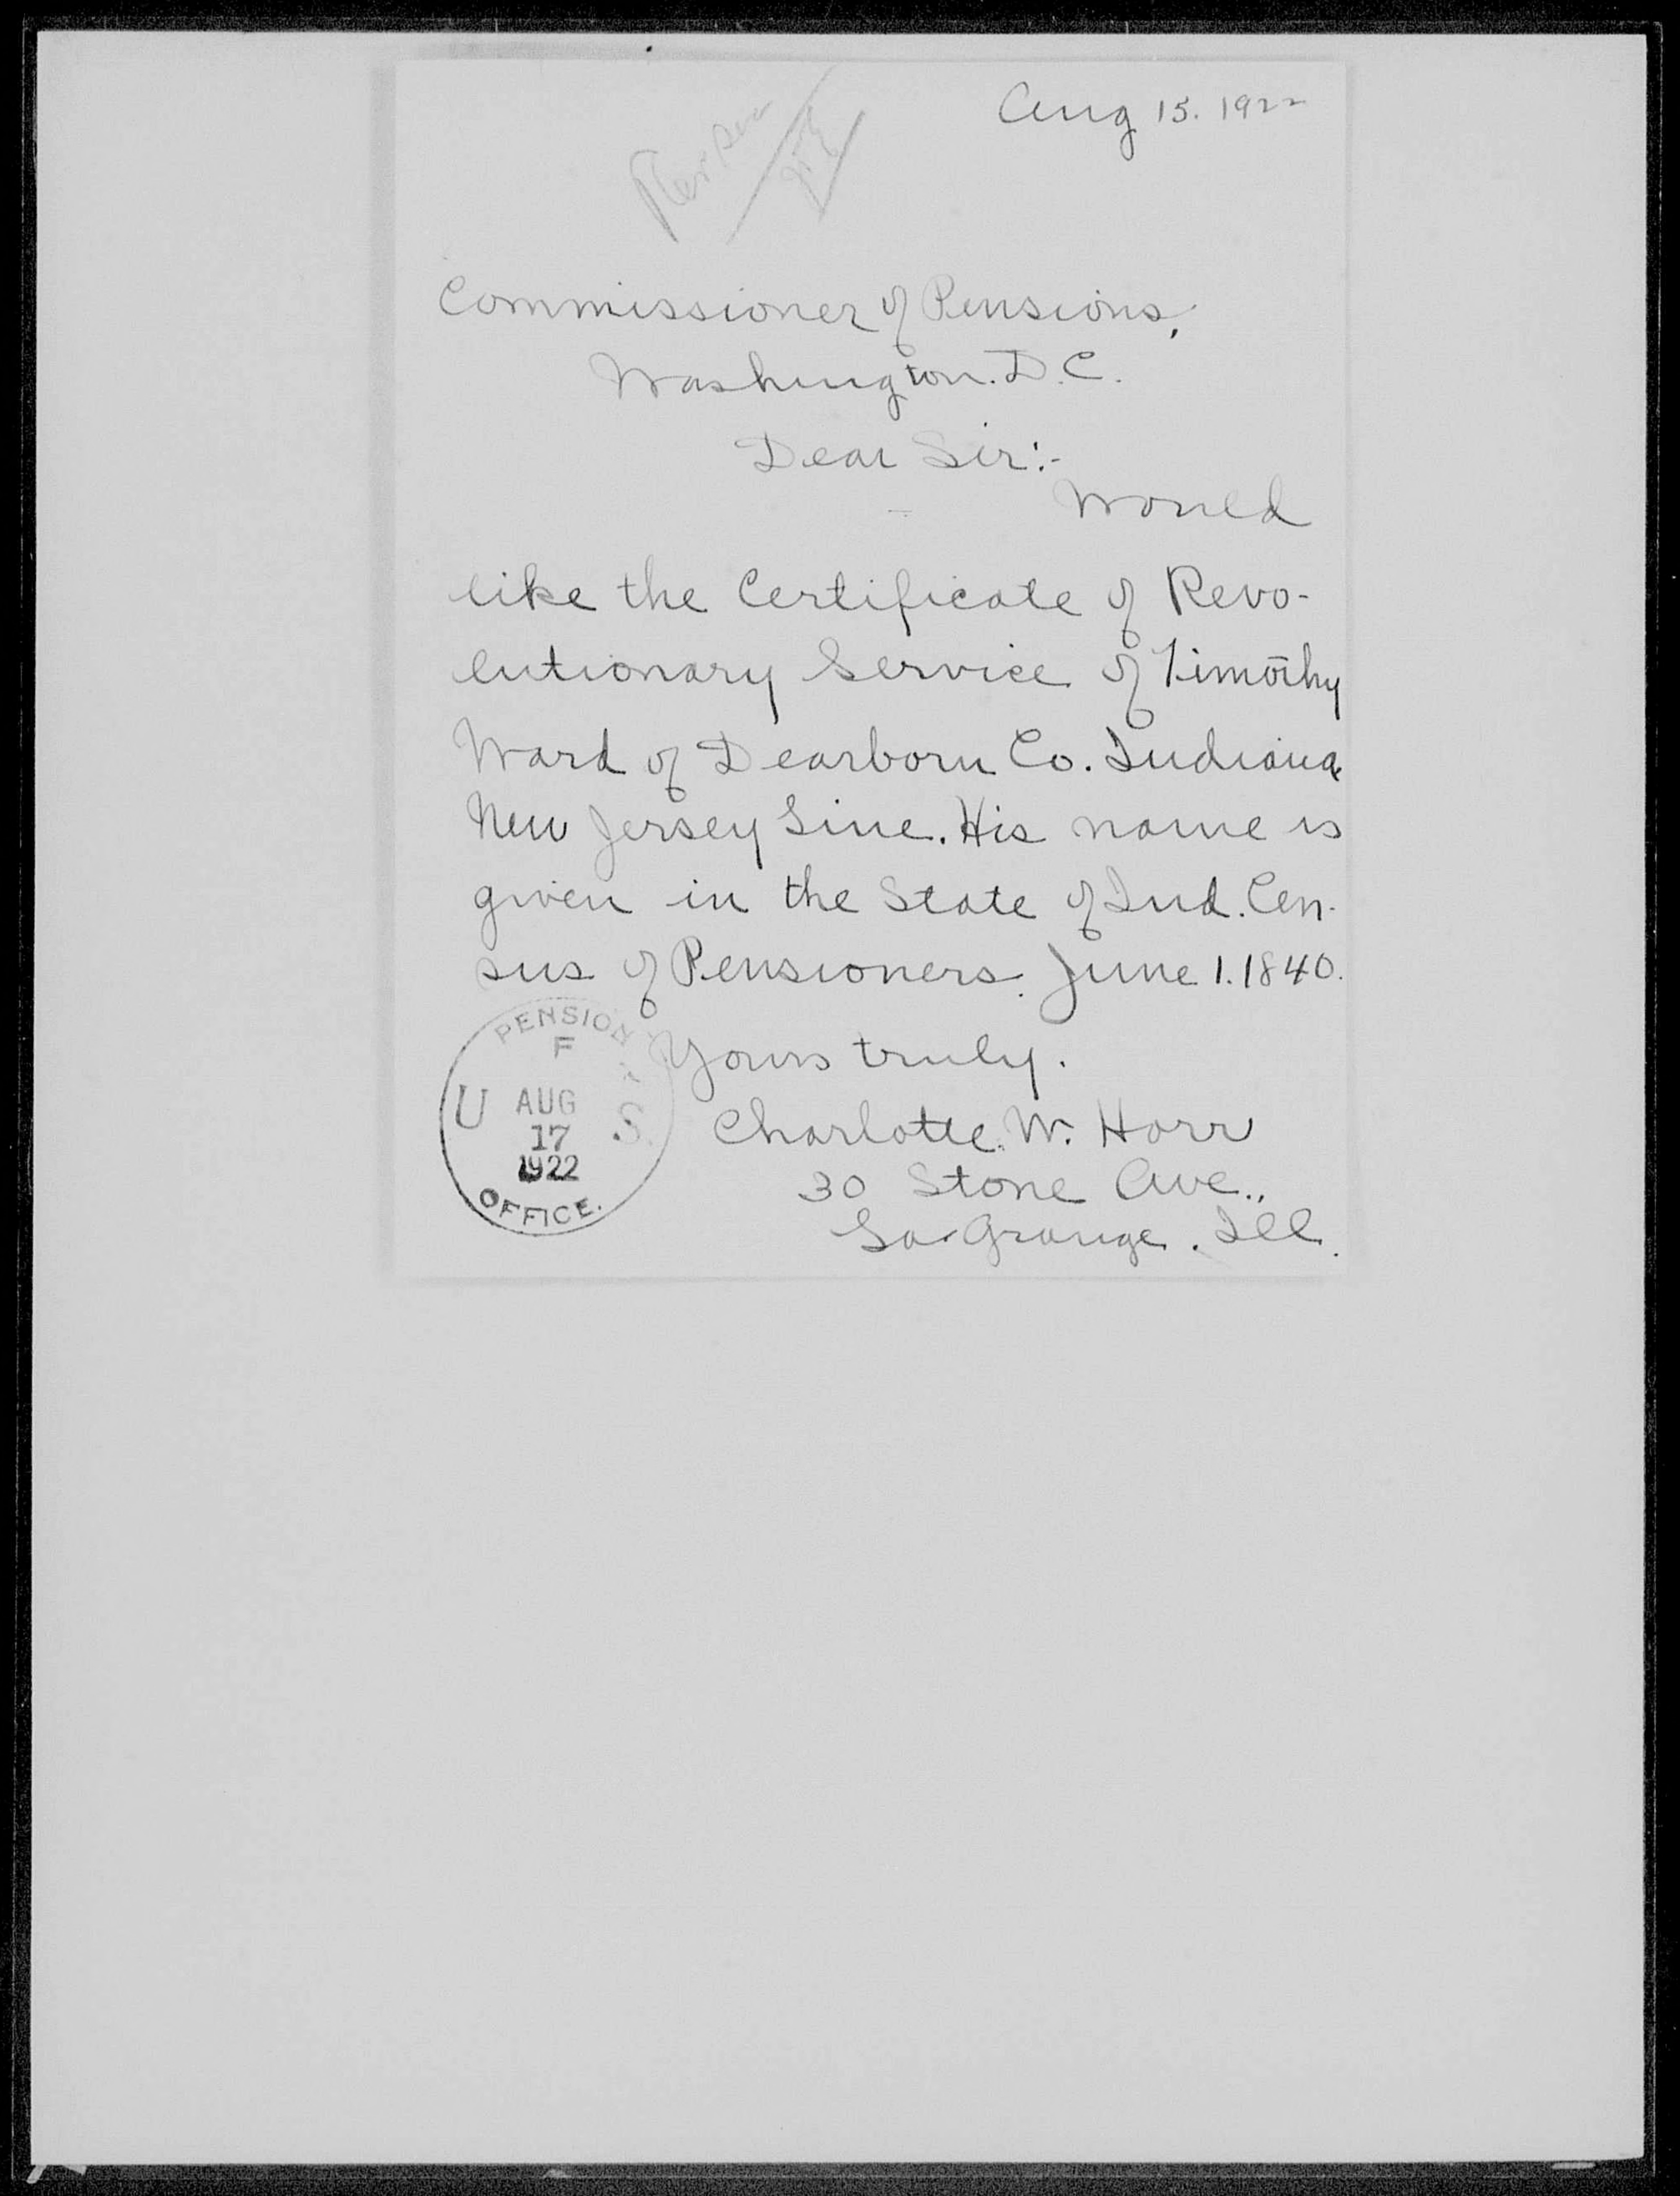Rev ser. JFE

Aug. 15. 1922

Commissioner of Pensions,
Washington.D.C.
Dear Sir:-
Would like the certificate of Revolutionary Service of Timothy Ward of Dearborn County. Indiana New Jersey Line.  His name is given in the State of Indiana. Census of Pensioners. June 1. 1840.
Yours truly.
Charlotte W. Horr
30 Stone Ave.,
LaGrange. Ill.

[a round 'office received stamp' is located in lower left of letter containing the following wording:]  US. PENSION OFFICE. AUG 17 1922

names: Charlotte W Horr, Timothy Ward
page: 12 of 24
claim: survivor's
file: S. 17751, Timothy Ward, New Jersey